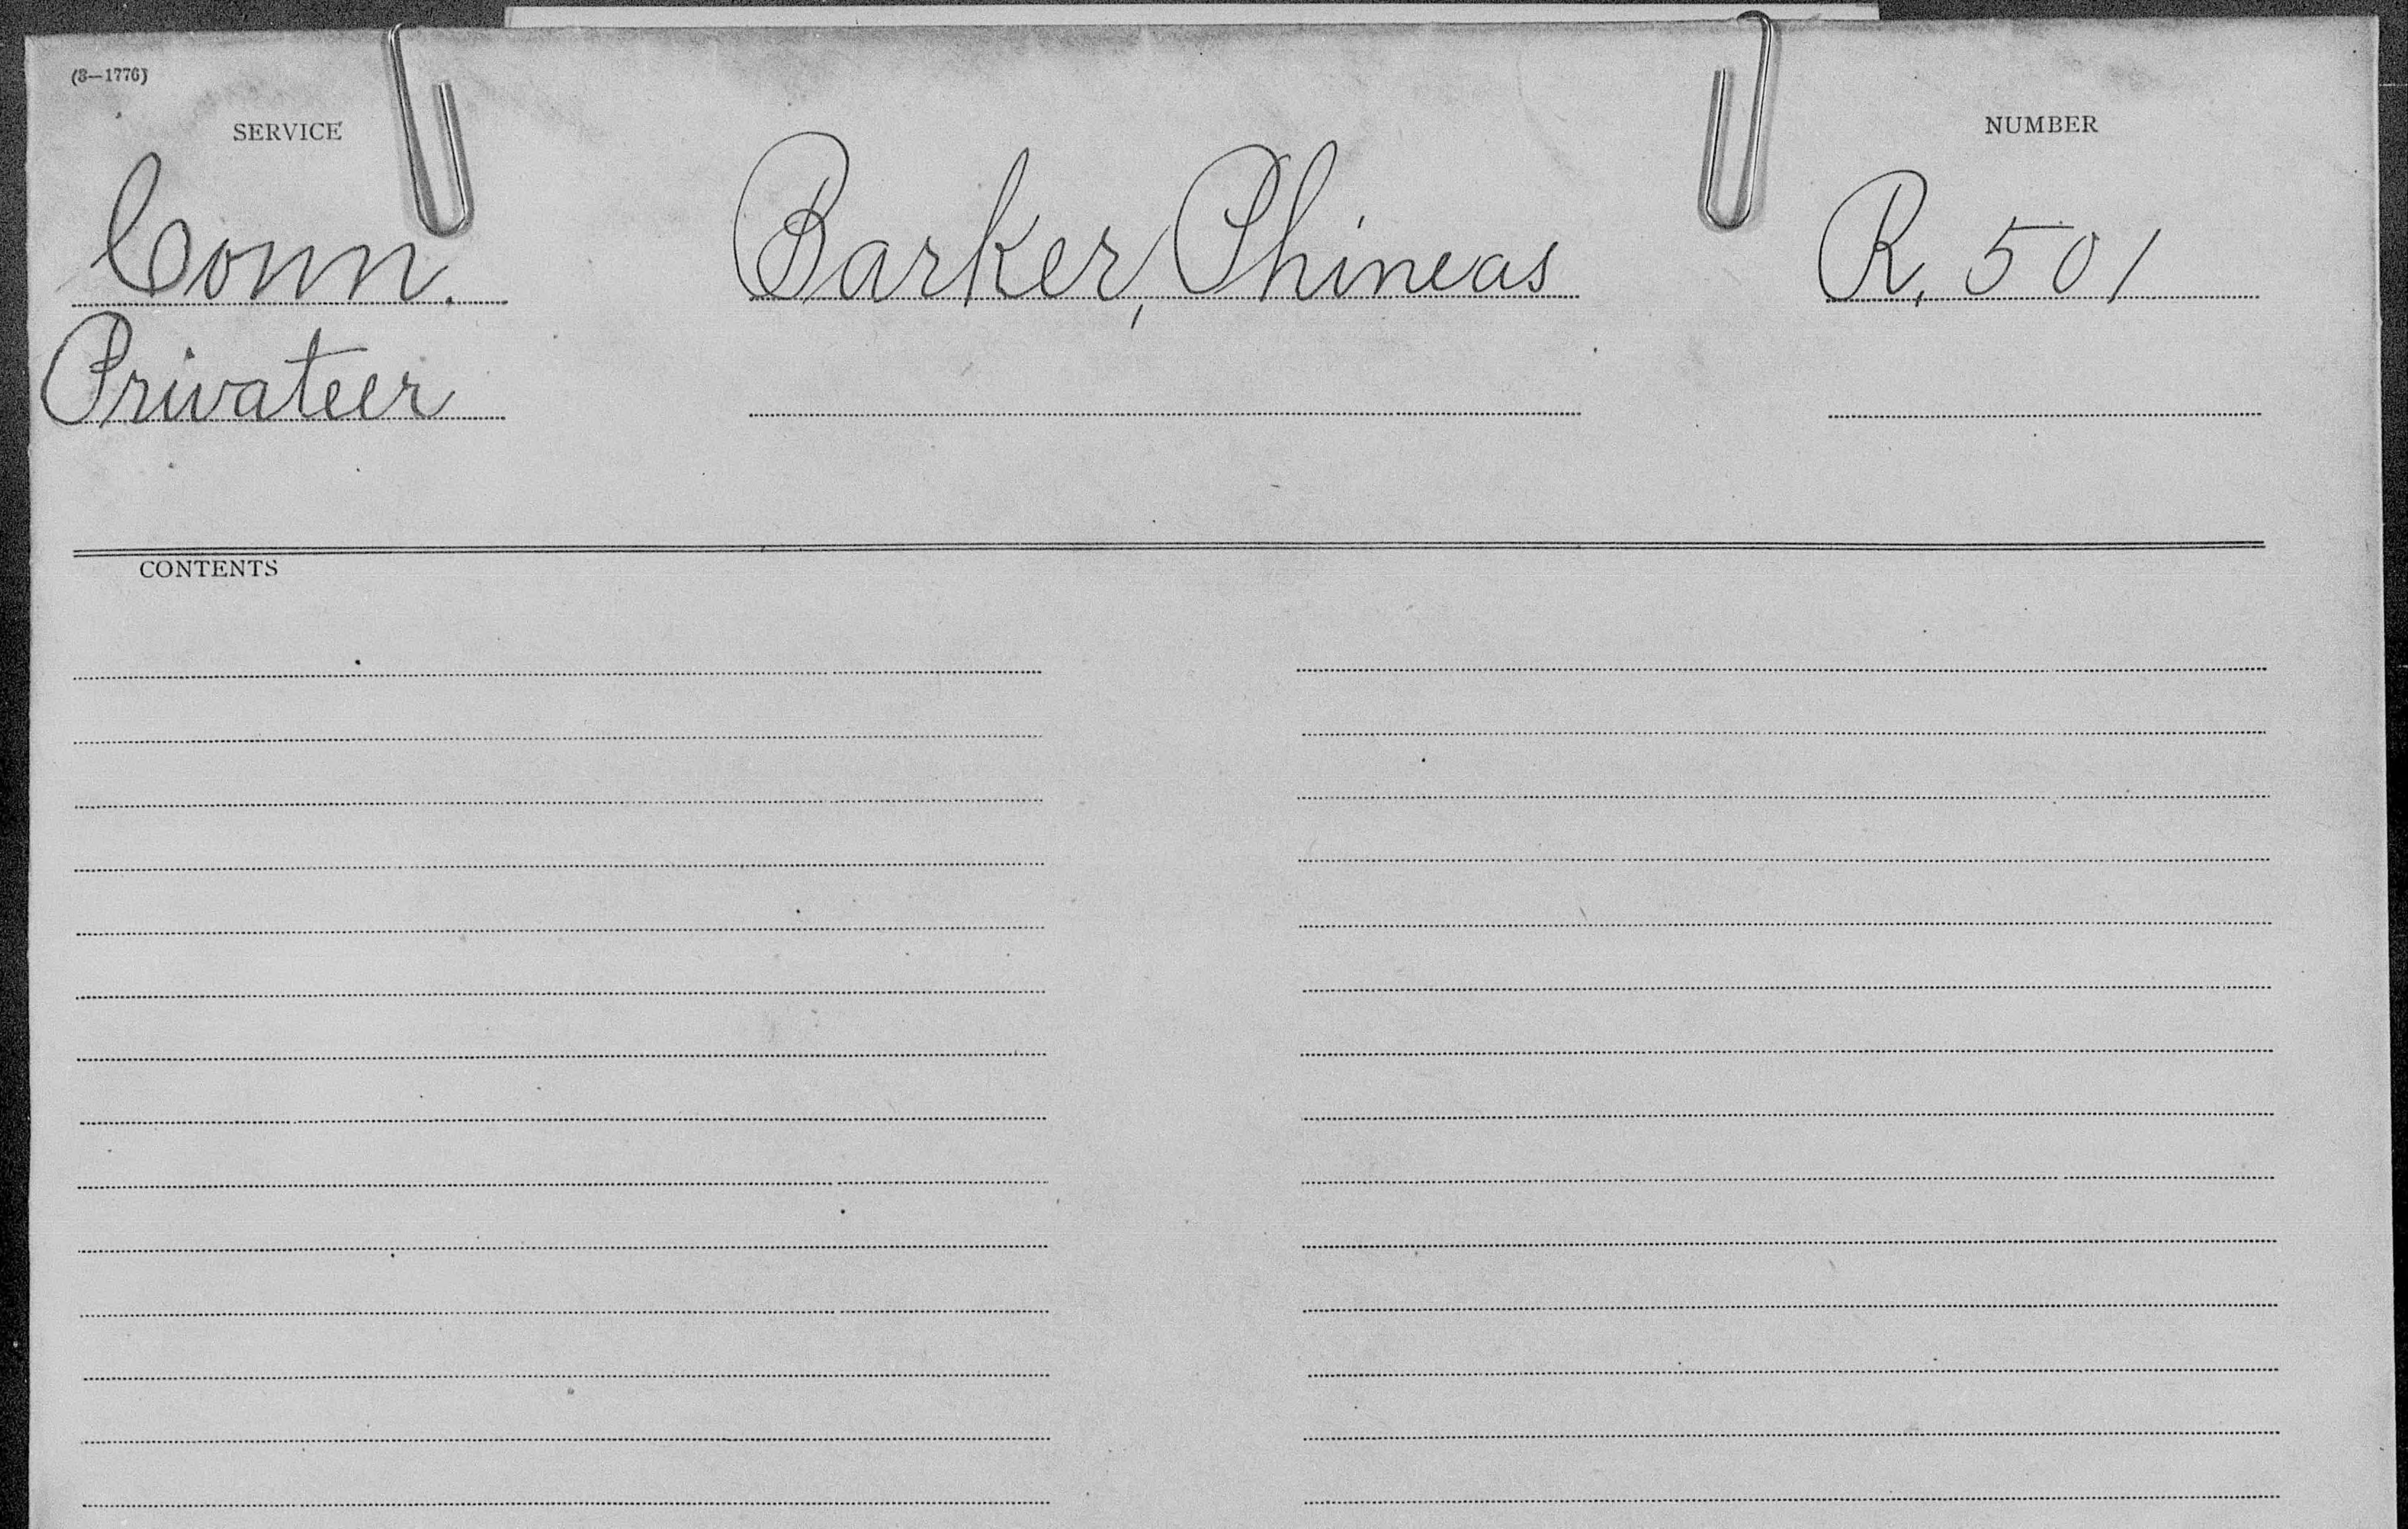SERVICE   Conn.
Privateer
Barker, Phineas
NUMBER   R. 501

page: 1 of 35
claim: rejected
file: R. 501, Phineas Barker, Conn. Privateer